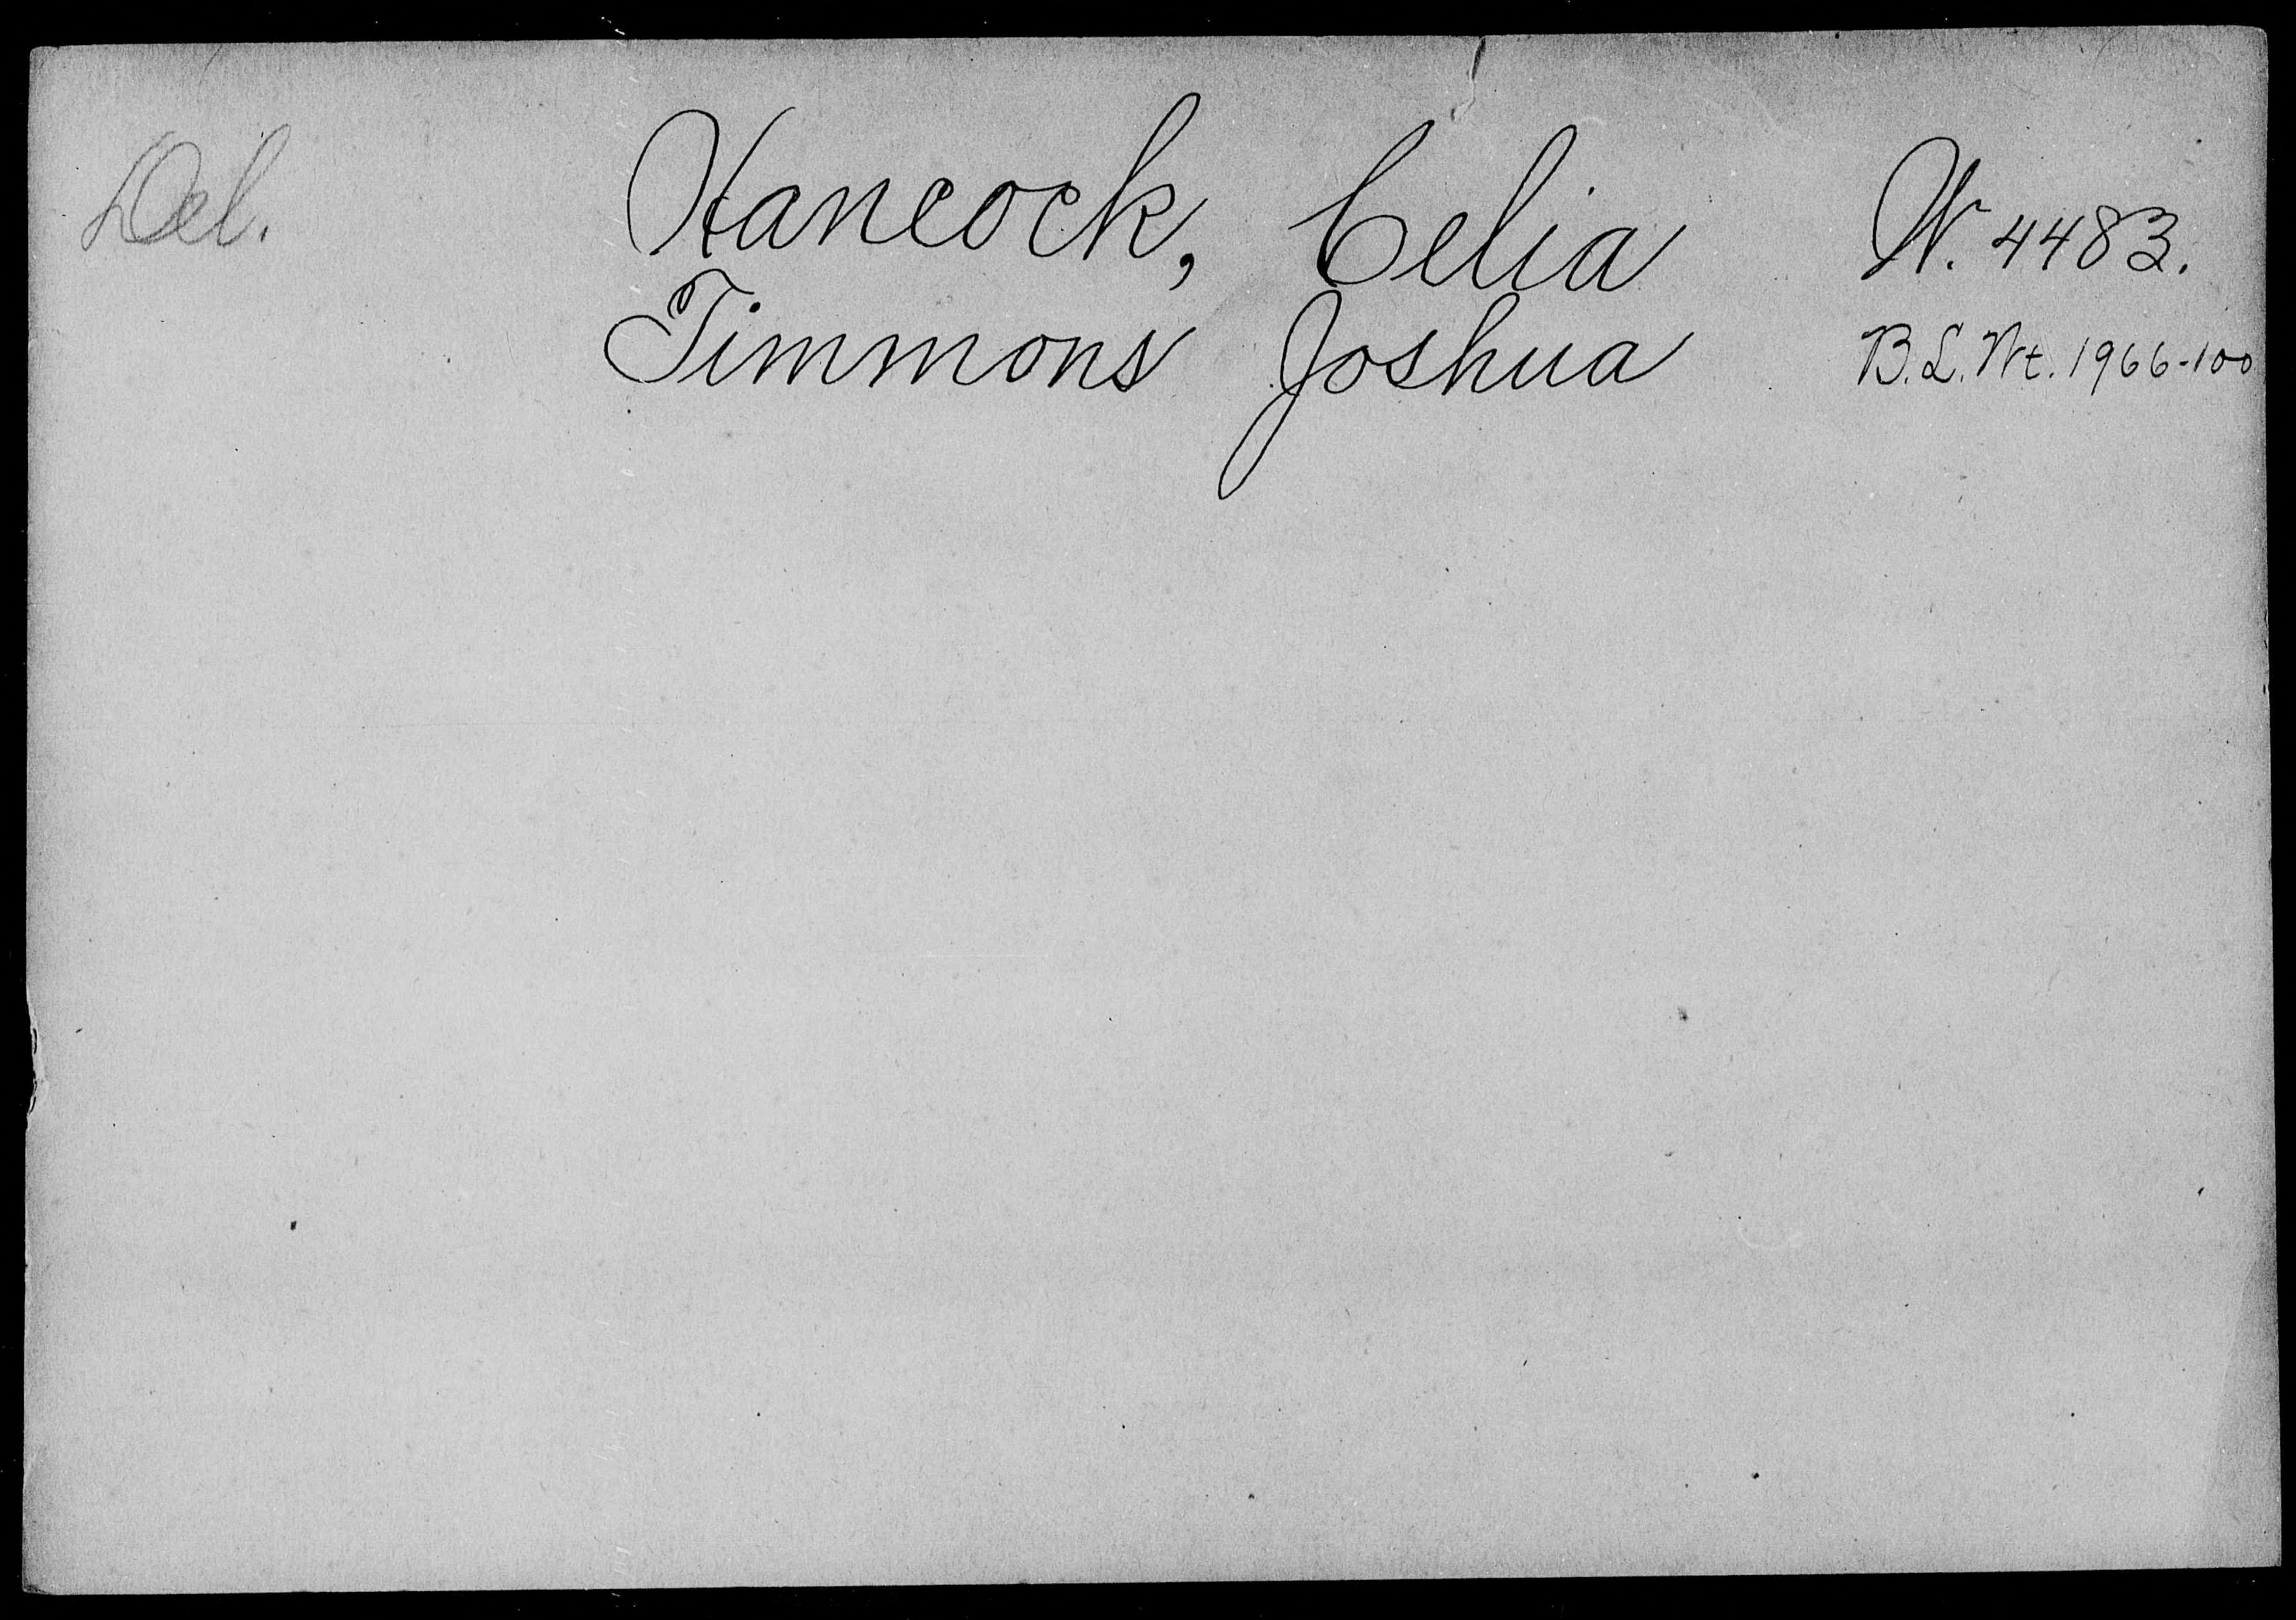Del.
Hancock, Celia
Timmons Joshua

W. 4483.
13. L. Nt. 1966-100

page: 1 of 1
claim: widow's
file: W. 4483, Celia Hancock, Del.